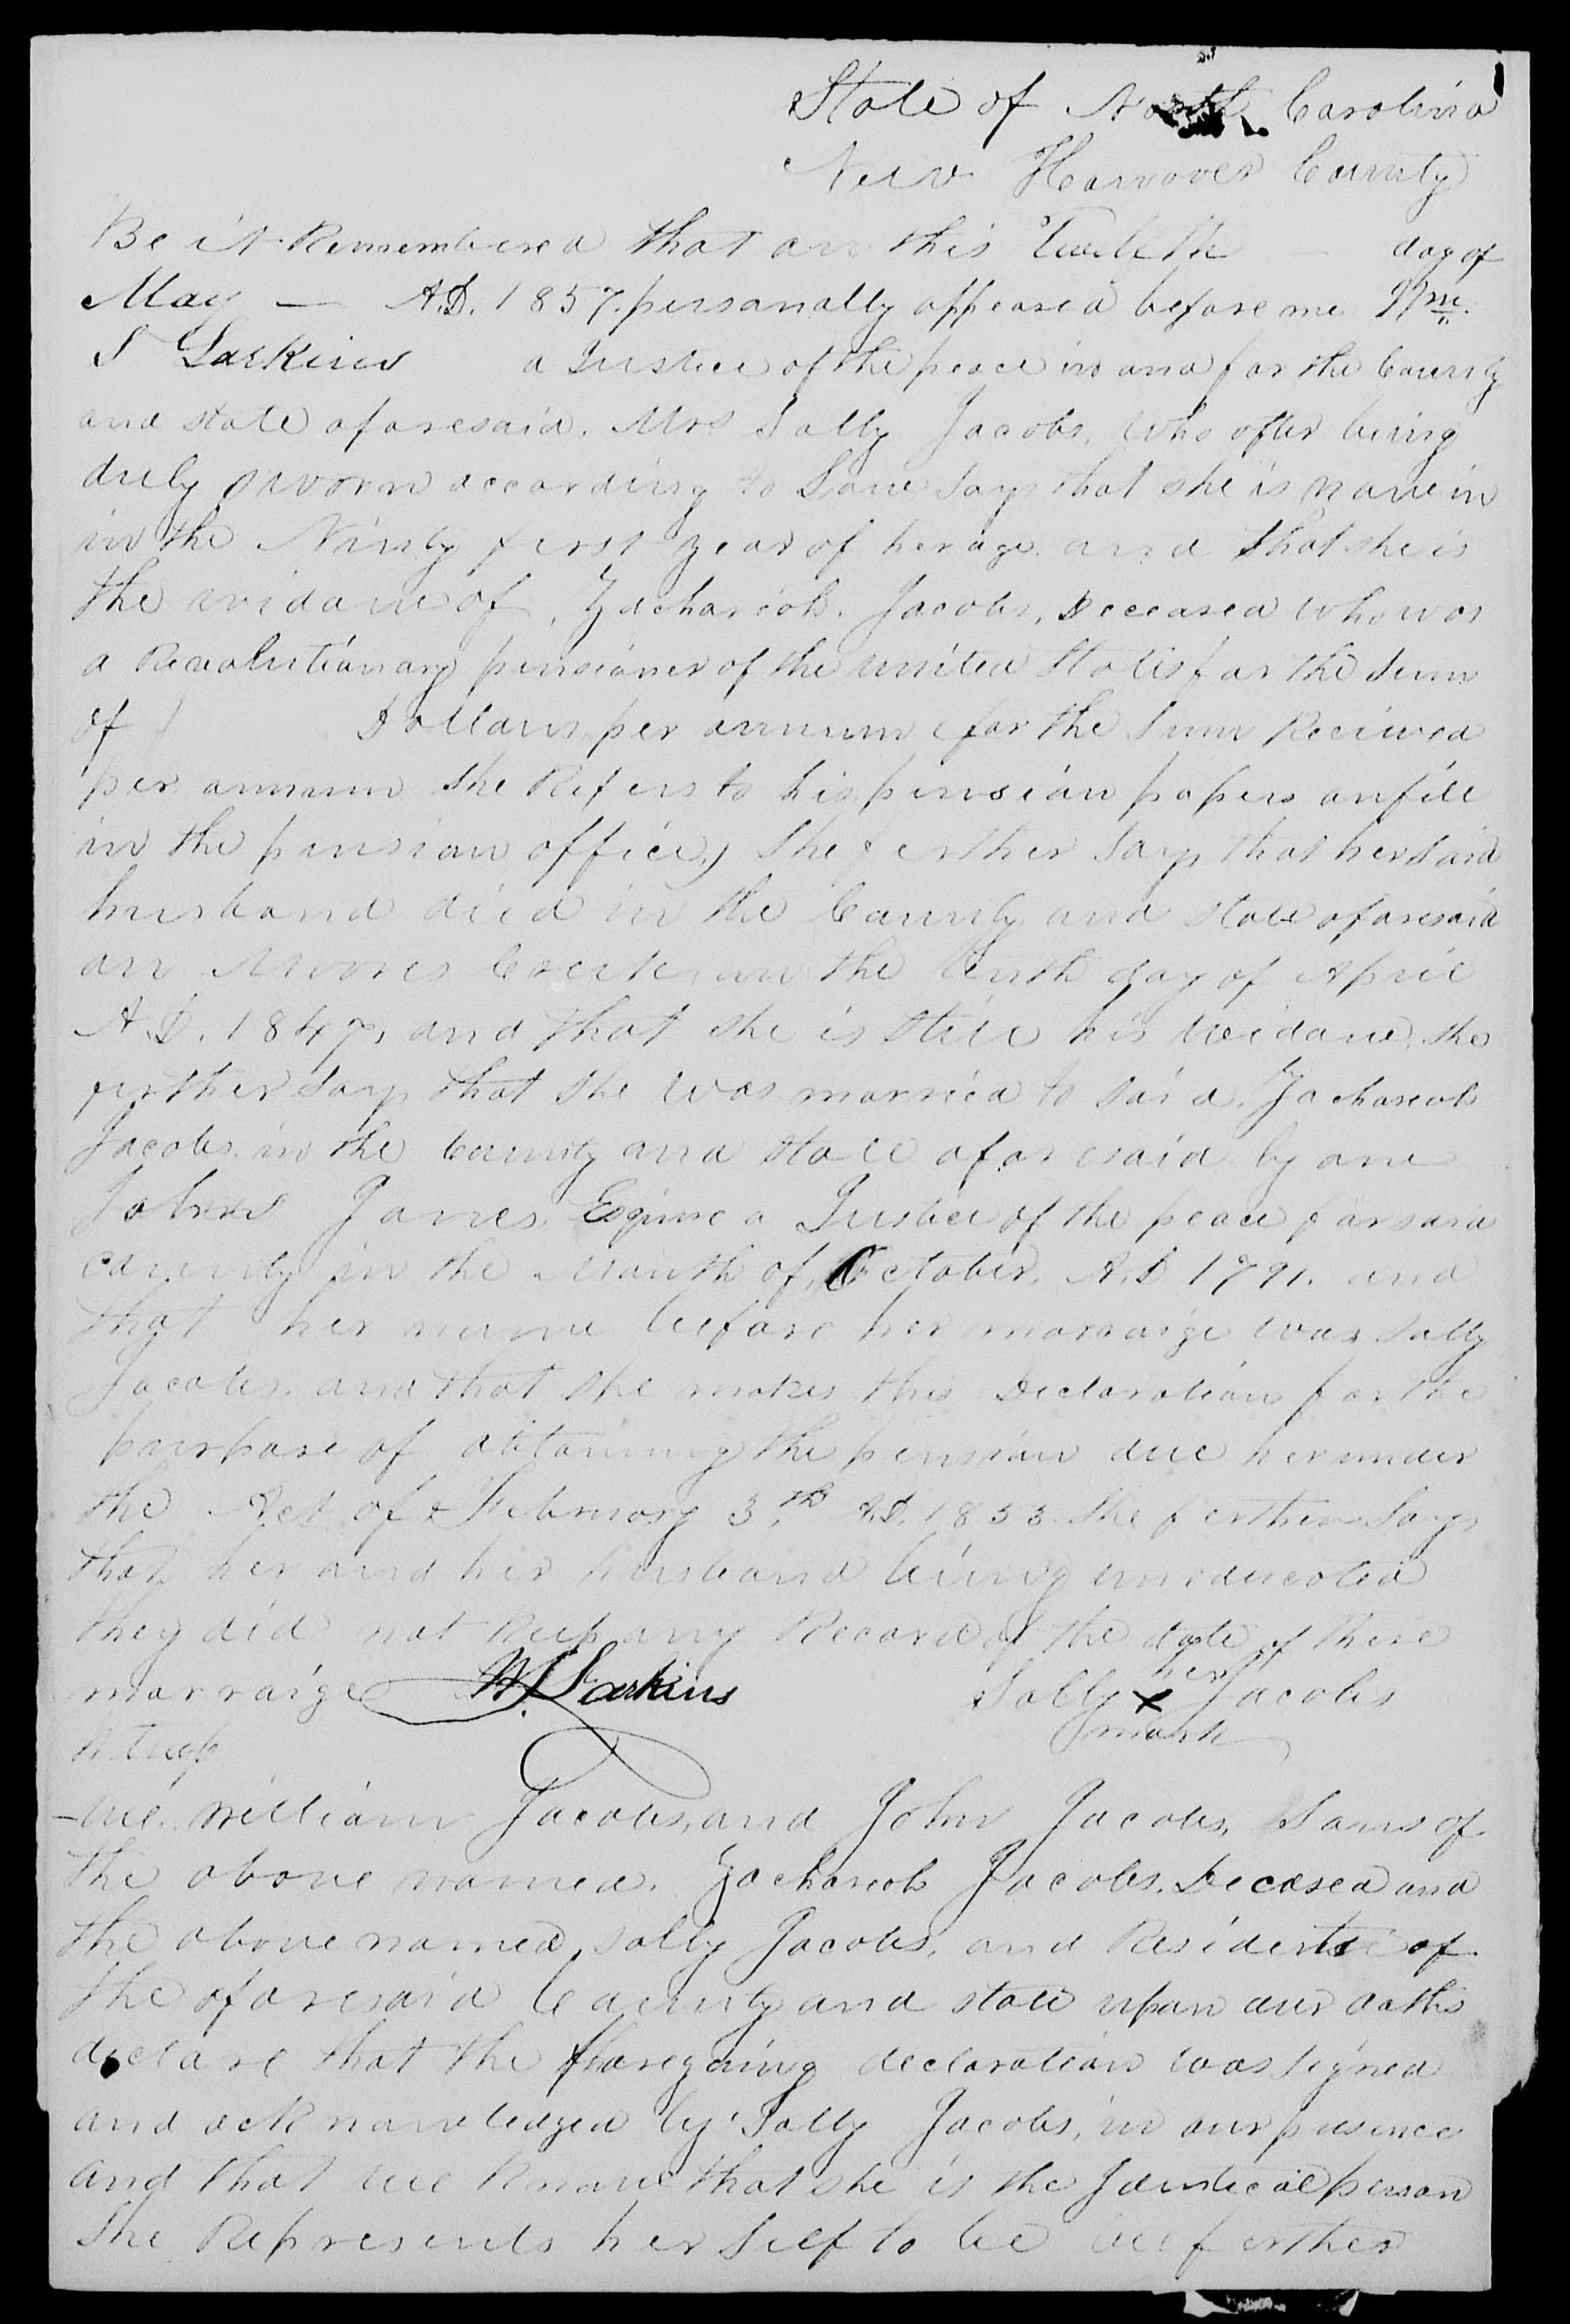[page is handwritten]
[right justified on page] State of North Carolina
[right justified on page]New Hanover County
Be it Remembered that on this Twelfth [blank area] day of May - A. D. 1857. personally appeared before me William S.Larkins a Justice of the Peace in and for the County and state aforesaid, Mrs. Sally Jacobs, who after being   duly sworn according to Law says that she is now in in the ninety first years of her age and that she is the widow of, Zachariah Jacobs, deceased who was a Revolutionary pensioner of the United States for the sum of [blank space] Dollars per annum for the sum received
per annum she Refers to his pension papers on file in the pension office. She further says that her said husband died in the County and state  aforesaid on Moores Creek on the tenth day of April 
A.D. 1847, and that she is still his widow,  she further says that she was married to said Zachariah Jacobs in the county and state aforesaid by one John Janes Esquire a Justice of the peace for said
County in the month of October. A.D. 1791. and that her name before her marriage was Sally Jacobs and that she makes this Declaration for the purpose of obtaining the pension due her under the Act of February 3rd A.D. 1853. She further says that her and her husband being uneducated they did not keep any Record of the date of there marriage                      her
[signature] Sally x Jacobs
mark
Witness  W S Larkins

- We William Jacobs, and John Jacobs, sons of 
the above named Zachariah Jacobs. Deceased and the above named Sally Jacobs, and Residents of the aforesaid County and  state and upon our oaths declare that the foregoing declaration was signed and acknowledged by Sally Jacobs, in our presence and that we know that she is the identical person
She Represents herself to be We further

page: 2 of 40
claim: widow's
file: W. 5304, for Zachariah Jacobs, North Carolina